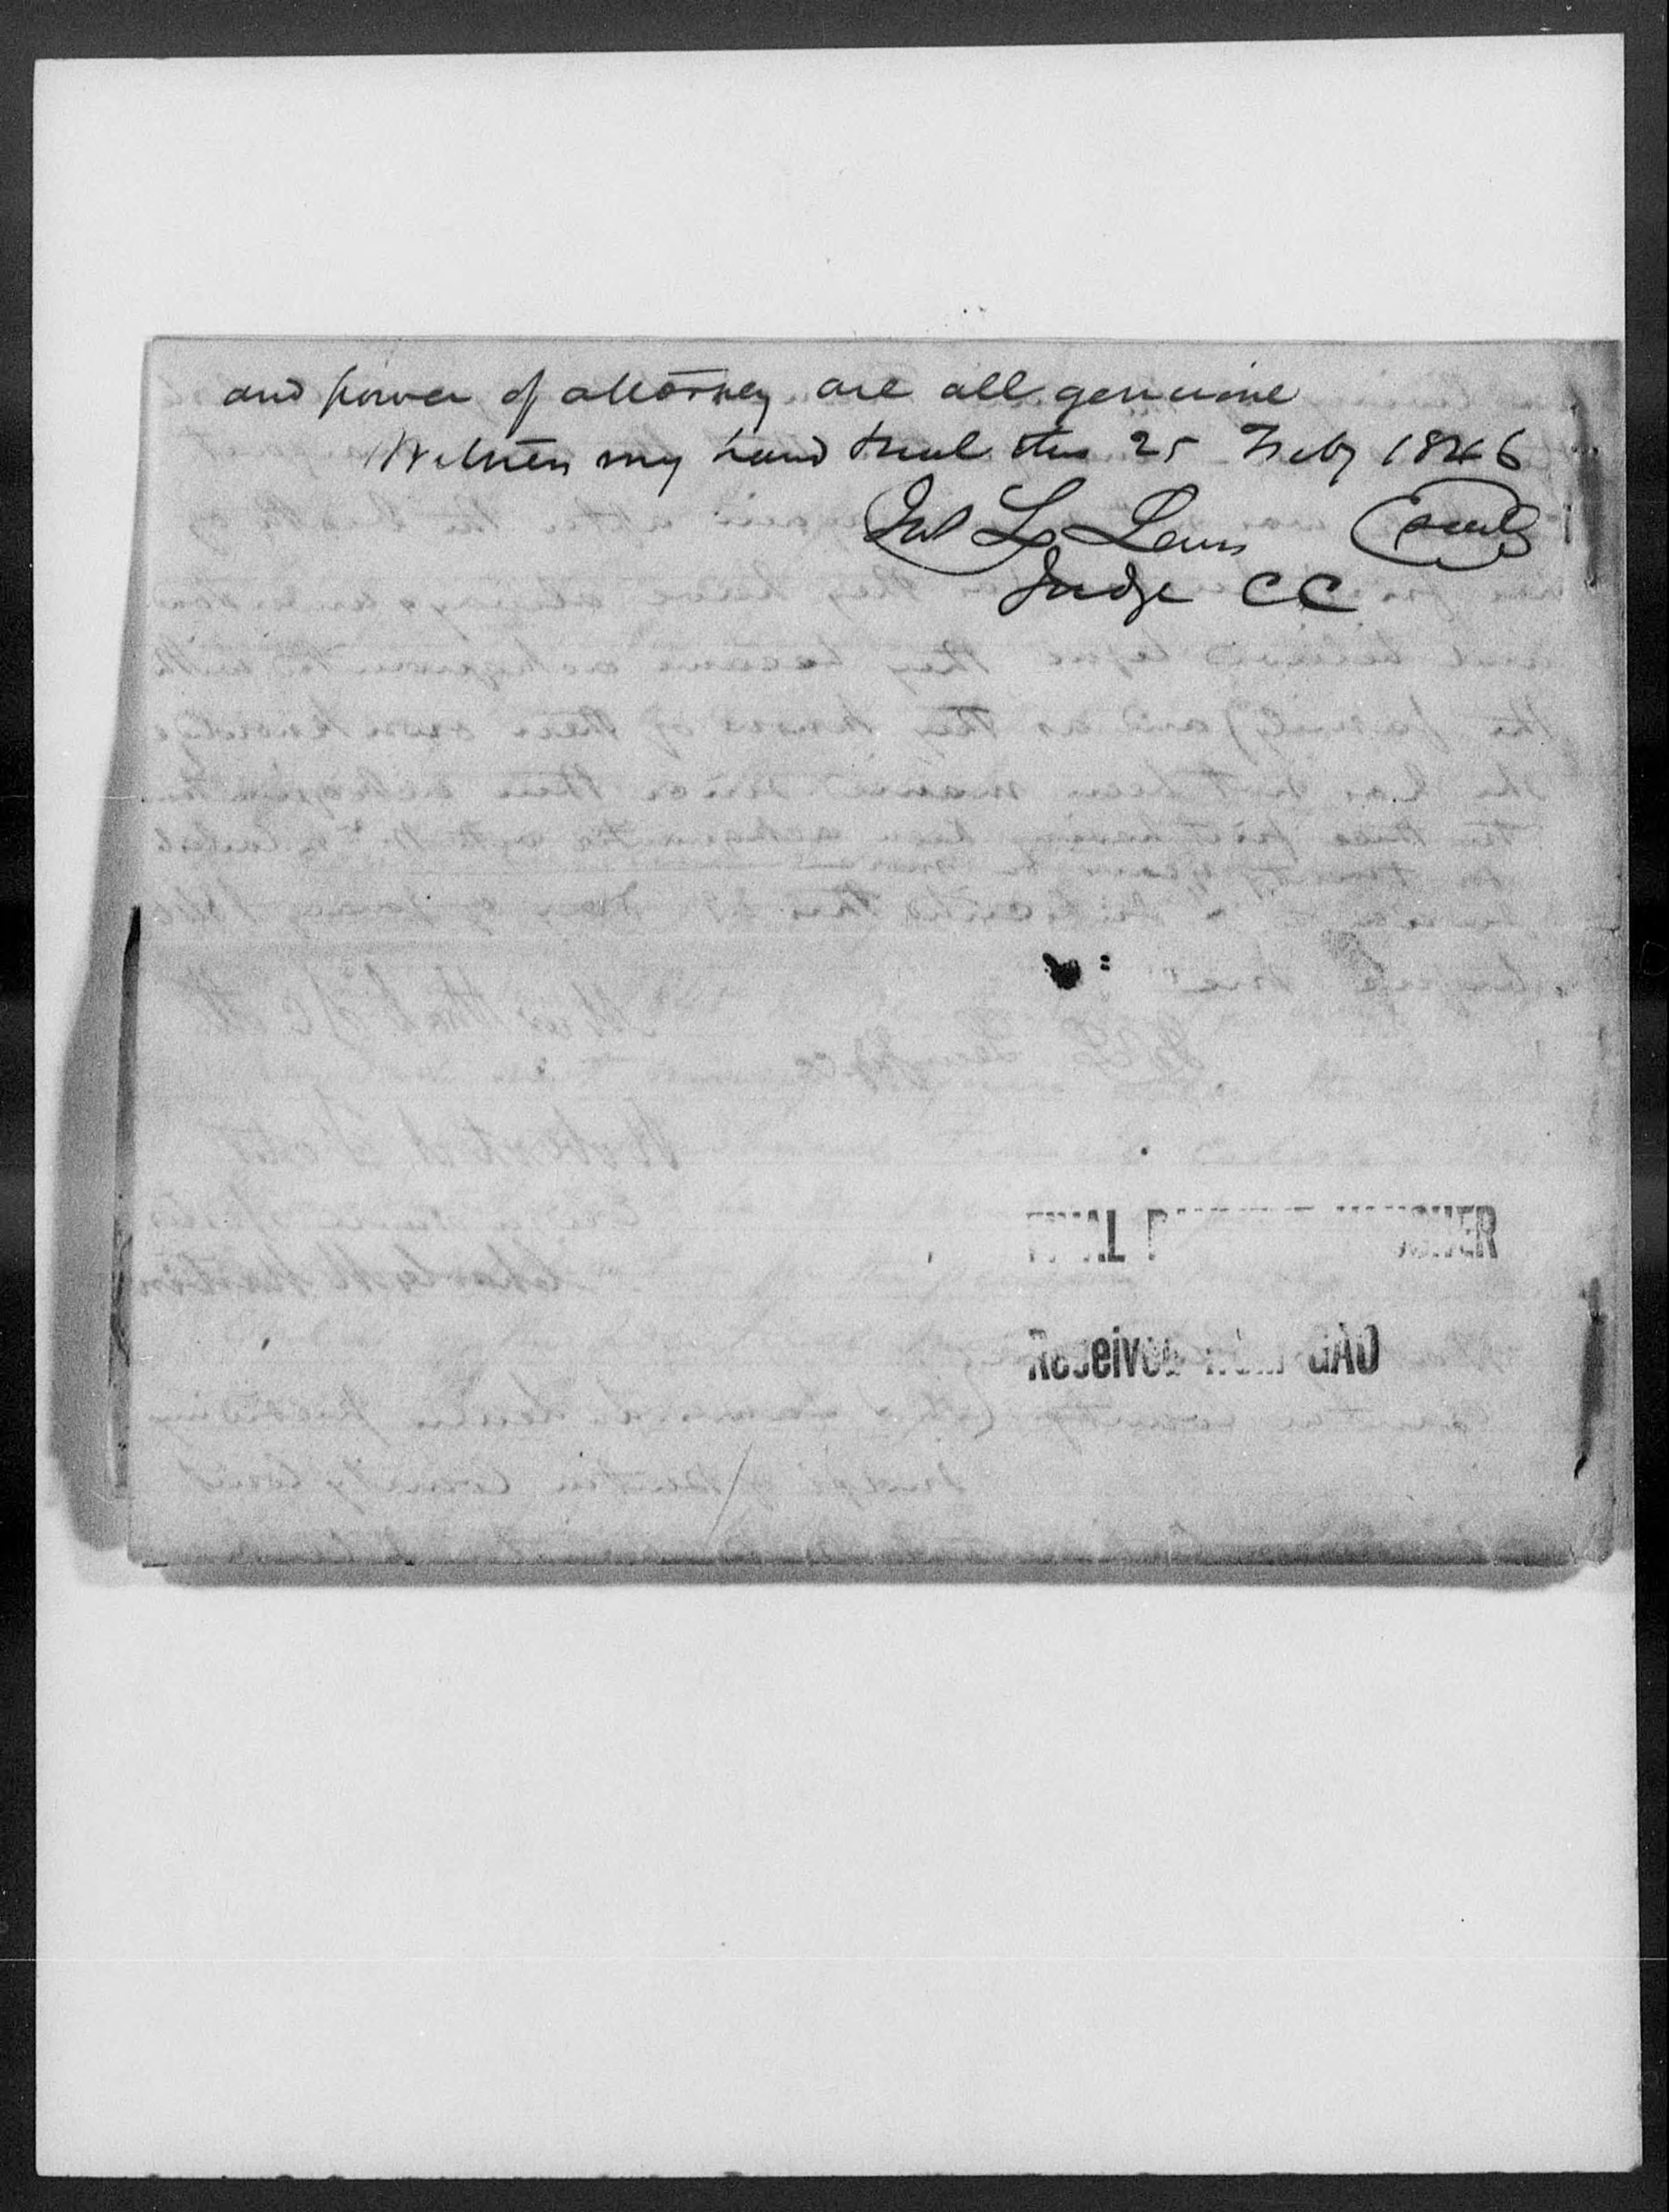and power of attorney are all genuine

Witness my hand & seal this 25 Feby 1846
Jas L. Lewis             SEAL
Judge CC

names: Jas L Lewis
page: 18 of 91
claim: widow's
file: W. 10576, Francis Carlisle, S.C.